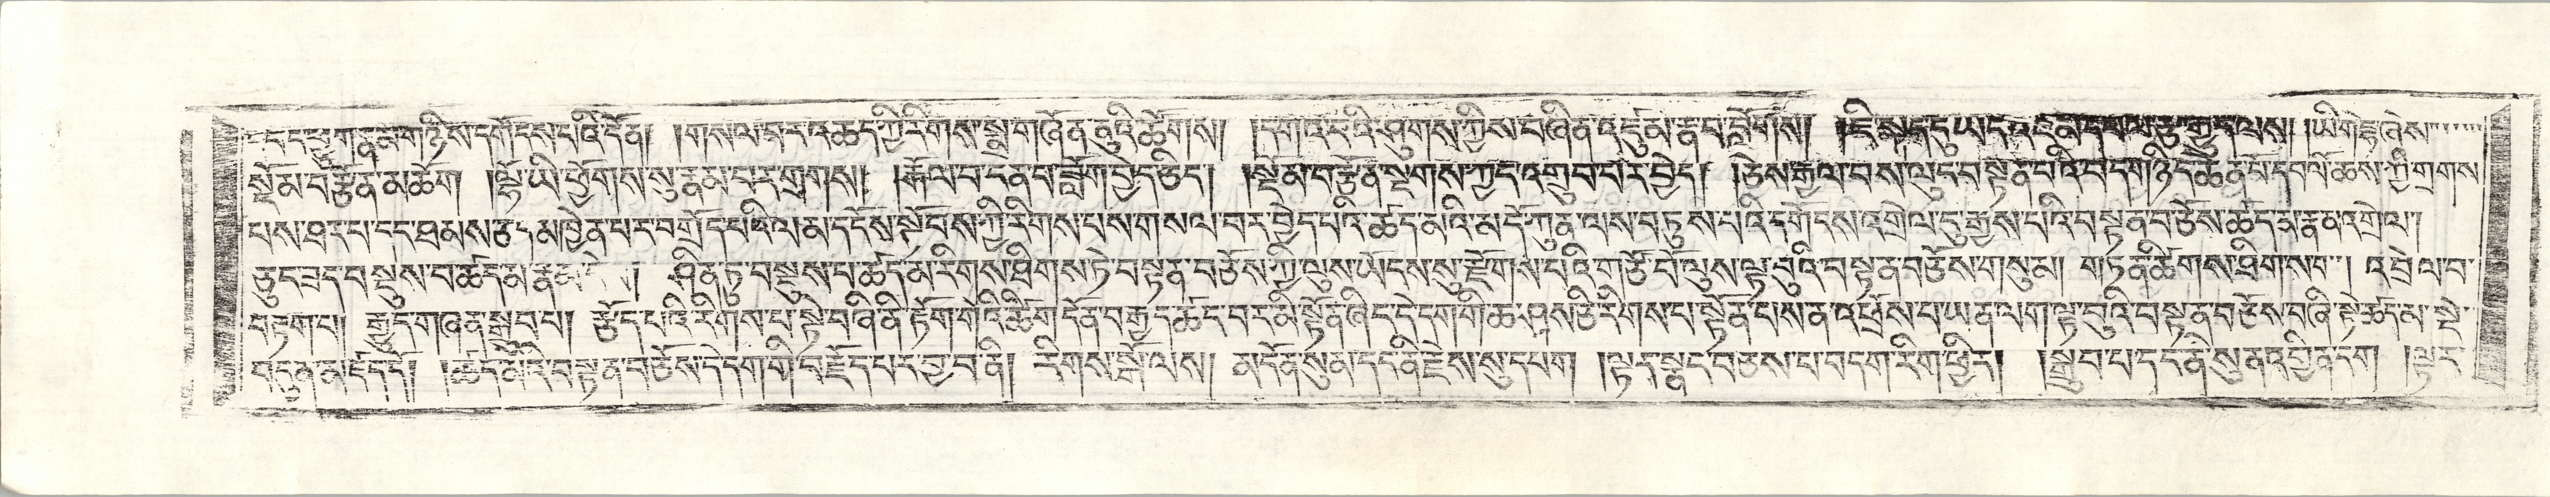དབང་ཕྱུག་རྣམ་གཉིས་དགོངས་པའི་དོན། །གསལ་བར་འཆད་ཀྱི་རིགས་སྨྲ་གཞོན་ནུའི་ཚོགས། །དགའ་བའི་ཤུགས་ཀྱིས་བཞིན་འཛུམ་རྣ་བ་བློགས། །ཇི་སྐད་དུ་ཡང་འཇམ་དཔལ་རྩ་རྒྱུད་ལས། །ཡི་གེ་དྷ་ཞེས་
སྡོམ་བརྩོན་མཆོག །ལྷོ་ཡི་ཕྱོགས་སུ་རྣམ་པར་གྲགས། །རྒོལ་བ་ངན་པ་ཟློག་བྱེད་ཅིང་། །སྡོམ་བརྩོན་སྔགས་ཀྱང་འགྲུབ་པར་བྱེད། །ཅེས་རྒྱལ་བས་ལུང་བསྟན་པའི་བདག་ཉིད་ཆེན་པོ་དཔལ་ཆོས་ཀྱི་གྲགས་
པས་ཐར་བ་དང་ཐམས་ཅད་མཁྱེན་པར་བགྲོད་པའི་ལམ་དངོས་སྟོབས་ཀྱི་རིགས་པས་གསལ་བར་བྱེད་པའི་ཚད་མའི་མདོ་ཀུན་ལས་བཏུས་པའི་དགོངས་འགྲེལ་དུ་རྒྱས་པའི་བསྟན་བཅོས་ཚད་མ་རྣམ་འགྲེལ།
ཅུང་ཟད་བསྡུས་པ་ཚད་མ་རྣམ་ངེས། ཤིན་ཏུ་བསྡུས་པ་ཚད་མ་རིགས་ཐིགས་ཏེ་བསྟན་བཅོས་ཀྱི་ལུས་ཡོངས་སུ་རྫོགས་པའི་གཙོ་བོ་ལུས་ལྟ་བུའི་བསྟན་བཅོས་གསུམ། གཏན་ཚིགས་ཐིགས་པ། འབྲེལ་བ་
བརྟག་པ། རྒྱུད་གཞན་སྒྲུབ་པ། རྩོད་པའི་རིགས་པ་སྟེ་བཞི་ནི་རྟོག་གེའི་ཚིག་དོན་བརྒྱད་ཚང་བར་མི་སྟོན་ཞིང་དེ་དག་གི་ཆ་ཤས་ཅི་རིགས་པ་སྟོན་པས་ན་འཕྲོས་པ་ཡན་ལག་ལྟ་བུའི་བསྟན་བཅོས་བཞི་སྟེ་ཚད་མ་སྡེ་
བདུན་མཛད་དོ། །ཚད་མའི་བསྟན་བཅོས་དེ་དག་གི་བརྗོད་པར་བྱ་བ་ནི། རིགས་སྒོ་ལས། མངོན་སུམ་དང་ནི་རྗེས་སུ་དཔག །ལྟར་སྣང་བཅས་པ་བདག་རིག་ཕྱིར། །སྒྲུབ་པ་དང་ནི་སུན་འབྱིན་ངག །ལྟར་